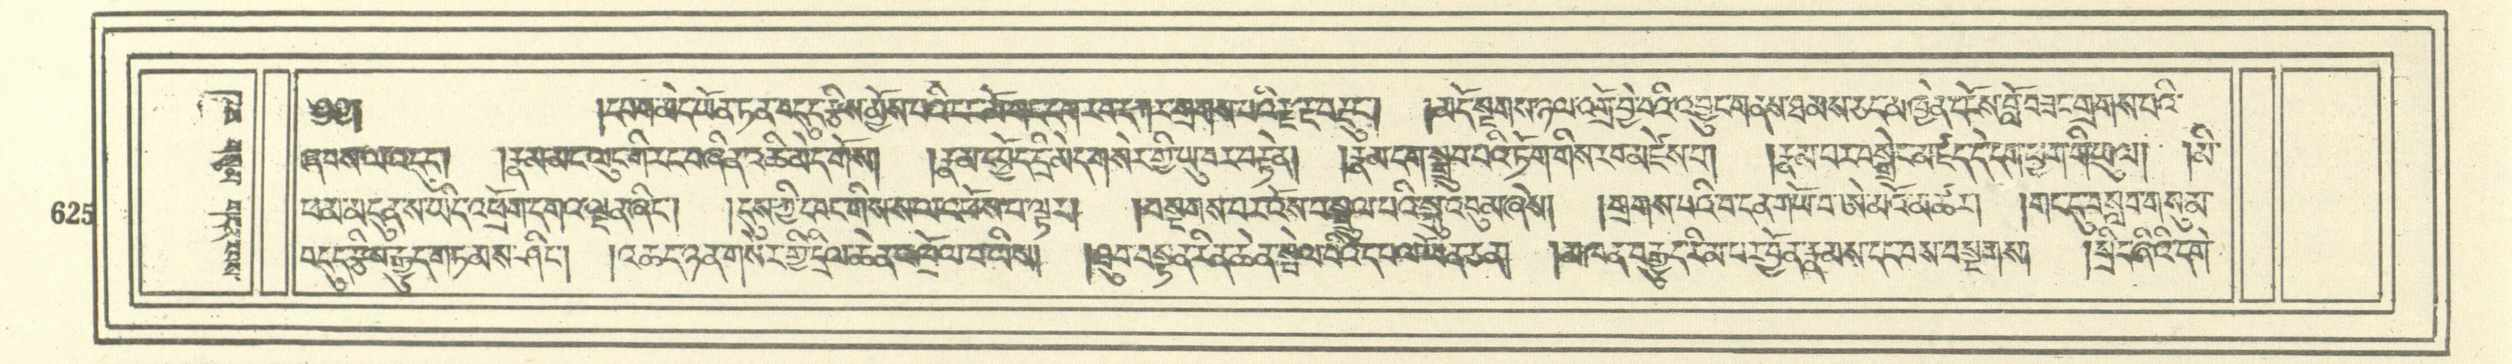༄༅། །དཔག་མེད་ཡོན་ཏན་བདུད་རྩིས་མྱོས་པའི་ངང་མོ་གང་ངག་རབ་དཀར་གྲགས་པའི་རྫ་རྔ་བརྡུང་། །མདོ་སྔགས་ཉལ་འགྲོ་བྱེ་བའི་འབྱུང་གནས་ཐམས་ཅད་མཁྱེན་དངོས་བློ་བཟང་གྲགས་པའི་
ཞབས་ལ་འདུད། །རྣམ་མང་ལུང་གི་རང་བཞིན་འཆི་མེད་གོས། །རྣམ་དཔྱོད་དྲི་མེད་གསེར་གྱི་ཡུ་བར་བརྟེན། །རྣམ་དག་སྒྲུབ་པའི་ཏོག་གིས་རབ་མཛེས་པ། །རྣམ་པར་བསྒྲེང་མཛད་དེ་དག་ཕྱག་གི་ཡུལ། །མི་
ཕམ་མདུན་ས་ཡིད་འཕྲོག་དགའ་ལྡན་ཞིང་། །དུས་ཀྱི་དབང་གིས་ས་ལ་འཕོས་པ་ལྟར། །བསྔགས་པར་འོས་པ་སྤྲུལ་པའི་སྐུ་འབུམ་ཞེས། །གྲགས་པའི་བ་དན་གཡོ་བ་ཨེ་མའོ་མཚར། །གང་དུ་བསླབ་གསུམ་
བདུད་རྩིས་རྒྱུད་གཏམས་ཤིང་། །འཆད་ཉན་གསེར་གྱི་དྲིལ་ཆེན་འཁྲོལ་བ་ཡིས། །ཐུབ་བསྟན་རིན་ཆེན་སྤེལ་བའི་དཔལ་ཡོན་ཅན། །མཁན་བརྒྱུད་རིམ་པར་བྱོན་རྣམས་དད་བས་བསྔགས། །སྲིད་ཞིའི་དགེ་